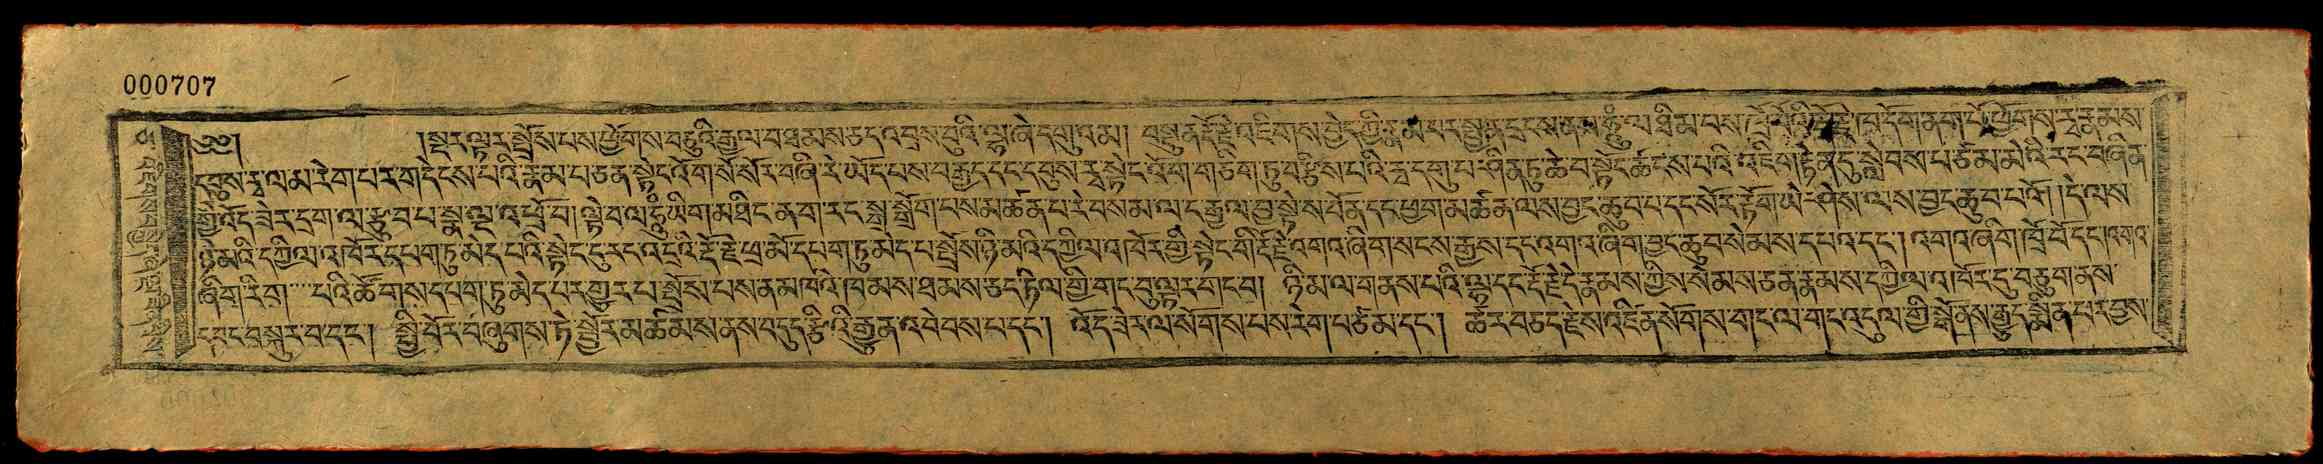༄༅། །སྔར་ལྟར་སྤྲོས་པས་ཕྱོགས་བཅུའི་རྒྱལ་བ་ཐམས་ཅད་འབྲས་བུའི་ལྷ་ཞེ་དགུ་འམ། བསྡུ་ན་རྡོ་རྗེ་འཇིགས་བྱེད་ཀྱི་རྣམ་པར་སྤྱན་དྲངས་ནས་ཧཱུཾ་ལ་ཐིམ་པས་ཁྲོ་བོའི་རྡོ་རྗེ་ཁ་དོག་ནག་པོ་ཕྱོགས་རྭ་རྣམས་
དབུས་རྭ་ལ་མ་རེག་པར་གདེངས་པའི་རྣམ་པ་ཅན་སྟེང་འོག་སོ་སོར་བཞི་རེ་ཡོད་པས་བརྒྱད་དང་དབུས་རྭ་སྟེང་འོག་གཅིག་ཏུ་བརྩིས་པའི་རྭ་དགུ་པ་ཤིན་ཏུ་ཆེ་བ་སྟེང་ཚངས་པའི་འཇིག་རྟེན་དུ་སླེབས་པ་ཙམ་མེའི་རང་བཞིན་
གྱི་འོད་ཟེར་དྲག་ལ་རྩུབ་པ་སྣ་ལྔ་འཕྲོ་བ། ལྟེ་བ་ལ་ཧཱུཾ་ཡིག་མཐིང་ནག་རང་སྒྲ་སྒྲོག་པས་མཚན་པར་བསམ་ལ་ང་རྒྱལ་བྱ་སྟེ་ས་བོན་དང་ཕྱག་མཚན་ལས་བྱང་ཆུབ་པ་དང་སོར་རྟོག་ཡེ་ཤེས་ལས་བྱང་ཆུབ་པའོ། །དེ་ལས་
ཉི་མའི་དཀྱིལ་འཁོར་དཔག་ཏུ་མེད་པའི་སྟེང་དུ་རང་འདྲའི་རྡོ་རྗེ་ཕྲ་མོ་དཔག་ཏུ་མེད་པ་སྤྲོས་ཉི་མའི་དཀྱིལ་འཁོར་གྱི་སྟེང་གི་རྡོ་རྗེ་འགའ་ཞིག་སངས་རྒྱས་དང་འགའ་ཞིག་བྱང་ཆུབ་སེམས་དཔའ་དང་། འགའ་ཞིག་ཁྲོ་བོ་དང་། འགའ་
ཞིག་རིག་པའི་ཚོགས་དཔག་ཏུ་མེད་པར་གྱུར་པ་སྤྲོས་པས་ནམཁའི་ཁམས་ཐམས་ཅད་ཏིལ་གྱི་གང་བུ་ལྟར་གང་བ། ཉི་མ་ལ་གནས་པའི་ལྷ་དང་རྡོ་རྗེ་དེ་རྣམས་ཀྱིས་སེམས་ཅན་རྣམས་དཀྱིལ་འཁོར་དུ་བཅུག་ནས་
དབང་བསྐུར་བ་དང་། སྤྱི་བོར་བཞུགས་ཏེ་སྦྱོར་མཚམས་ནས་བདུད་རྩིའི་རྒྱུན་འབེབས་པ་དང་། འོད་ཟེར་ལ་སོགས་པས་རེག་པ་ཙམ་དང་། ཚར་བཅད་རྗེས་འཛིན་སོགས་གང་ལ་གང་འདུལ་གྱི་སྒོ་ནས་རྒྱུད་སྨིན་པར་བྱས་